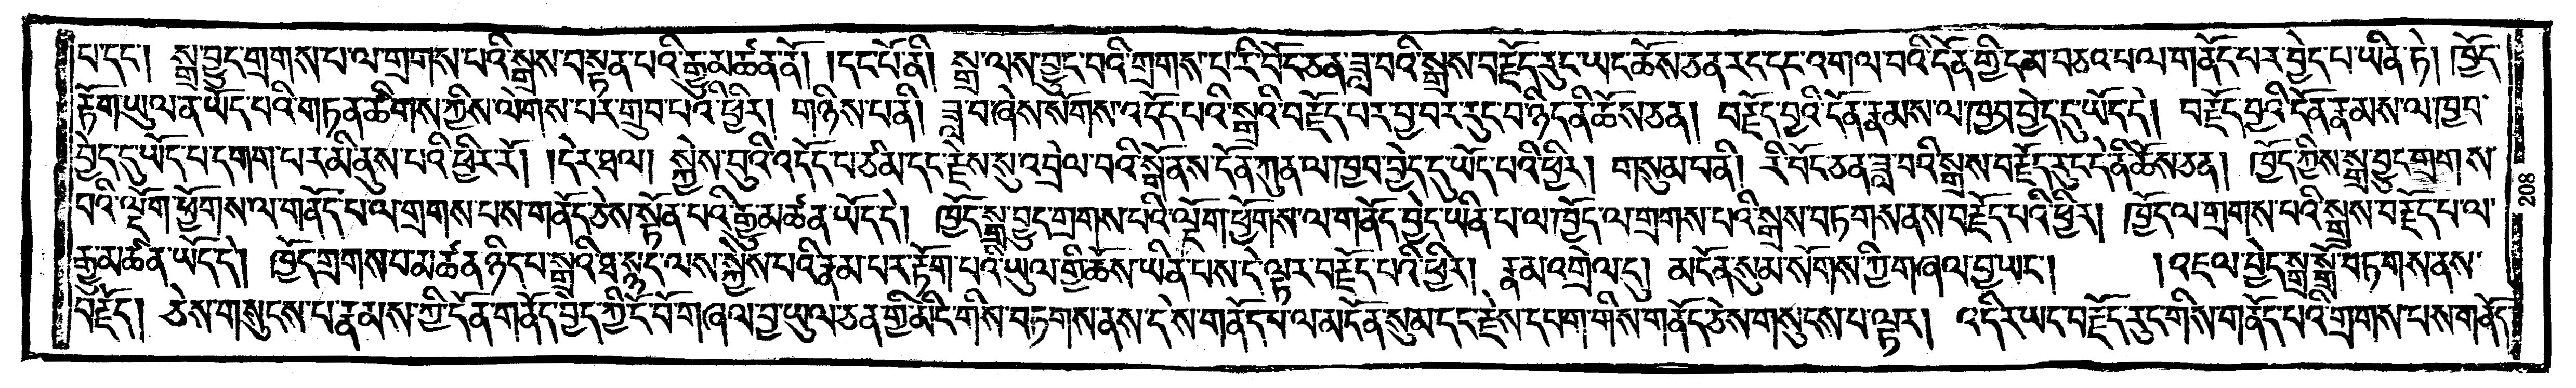པ་དང་། སྒྲ་བྱུང་གྲགས་པ་ལ་གྲགས་པའི་སྒྲས་བསྟན་པའི་རྒྱུ་མཚན་ནོ། །དང་པོ་ནི། སྒྲ་ལས་བྱུང་བའི་གྲགས་པ་རི་བོང་ཅན་ཟླ་བའི་སྒྲས་བརྗོད་རུང་ཡང་ཆོས་ཅན་རང་དང་འགལ་བའི་དོན་གྱི་དམ་བཅའ་པ་ལ་གནོད་པར་བྱེད་པ་ཡིན་ཏེ། ཁྱོད་
རྟོག་ཡུལ་ན་ཡོད་པའི་གཏན་ཚིགས་ཀྱིས་ལེགས་པར་གྲུབ་པའི་ཕྱིར། གཉིས་པ་ནི། ཟླ་བ་ཞེས་སོགས་འདོད་པའི་སྒྲའི་བརྗོད་པར་བྱ་བར་རུང་བ་ཉིད་ནི་ཆོས་ཅན། བརྗོད་བྱའི་དོན་རྣམས་ལ་ཁྱབ་བྱེད་དུ་ཡོད་དེ། བརྗོད་བྱའི་དོན་རྣམས་ལ་ཁྱབ་
བྱེད་དུ་ཡོད་པ་དགག་པར་མི་ནུས་པའི་ཕྱིར་རོ། །དེར་ཐལ། སྐྱེས་བུའི་འདོད་པ་ཙམ་དང་རྗེས་སུ་འབྲེལ་བའི་སྒོ་ནས་དོན་ཀུན་ལ་ཁྱབ་བྱེད་དུ་ཡོད་པའི་ཕྱིར། གསུམ་བ་ནི། རི་བོང་ཅན་ཟླ་བའི་སྒྲས་བརྗོད་རུང་དེ་ནི་ཆོས་ཅན། ཁྱོད་ཀྱིས་སྒྲ་བྱུང་གྲགས་
བའི་ལྡོག་ཕྱོགས་ལ་གནོད་པ་ལ་གྲགས་པས་གནོད་ཅེས་སྟོན་པའི་རྒྱུ་མཚན་ཡོད་དེ། ཁྱོད་སྒྲ་བྱུང་གྲགས་པའི་ལྡོག་ཕྱོགས་ལ་གནོད་བྱེད་ཡིན་པ་ལ་ཁྱོད་ལ་གྲགས་པའི་སྒྲས་བཏགས་ནས་བརྗོད་པའི་ཕྱིར། ཁྱོད་ལ་གྲགས་པའི་སྒྲས་བརྗོད་པ་ལ་
རྒྱུ་མཚན་ཡོད་དེ། ཁྱོད་གྲགས་བ་མཚན་ཉིད་པ་སྒྲའི་ཐ་སྙད་ལས་སྐྱེས་པའི་རྣམ་པར་རྟོག་པའི་ཡུལ་གྱི་ཆོས་ཡིན་པས་དེ་ལྟར་བརྗོད་པའི་ཕྱིར། རྣམ་འགྲེལ་དུ། མངོན་སུམ་སོགས་ཀྱི་གཞལ་བྱ་ཡང་། །འཇལ་བྱེད་སྒྲ་སྒྲོ་བཏགས་ནས་
བརྗོད། ཅེས་གསུངས་པ་རྣམས་ཀྱི་དོན་གནོད་བྱེད་ཀྱི་ངོ་བོ་གཞལ་བྱ་ཡུལ་ཅན་གྱི་མིང་གིས་བཏགས་ནས་དེ་ས་གནོད་པ་ལ་མངོན་སུམ་དང་རྗེས་དཔག་གིས་གནོད་ཅེས་གསུངས་པ་ལྟར། འདིར་ཡང་བརྗོད་རུང་གིས་གནོད་པའི་གྲགས་པས་གནོད་